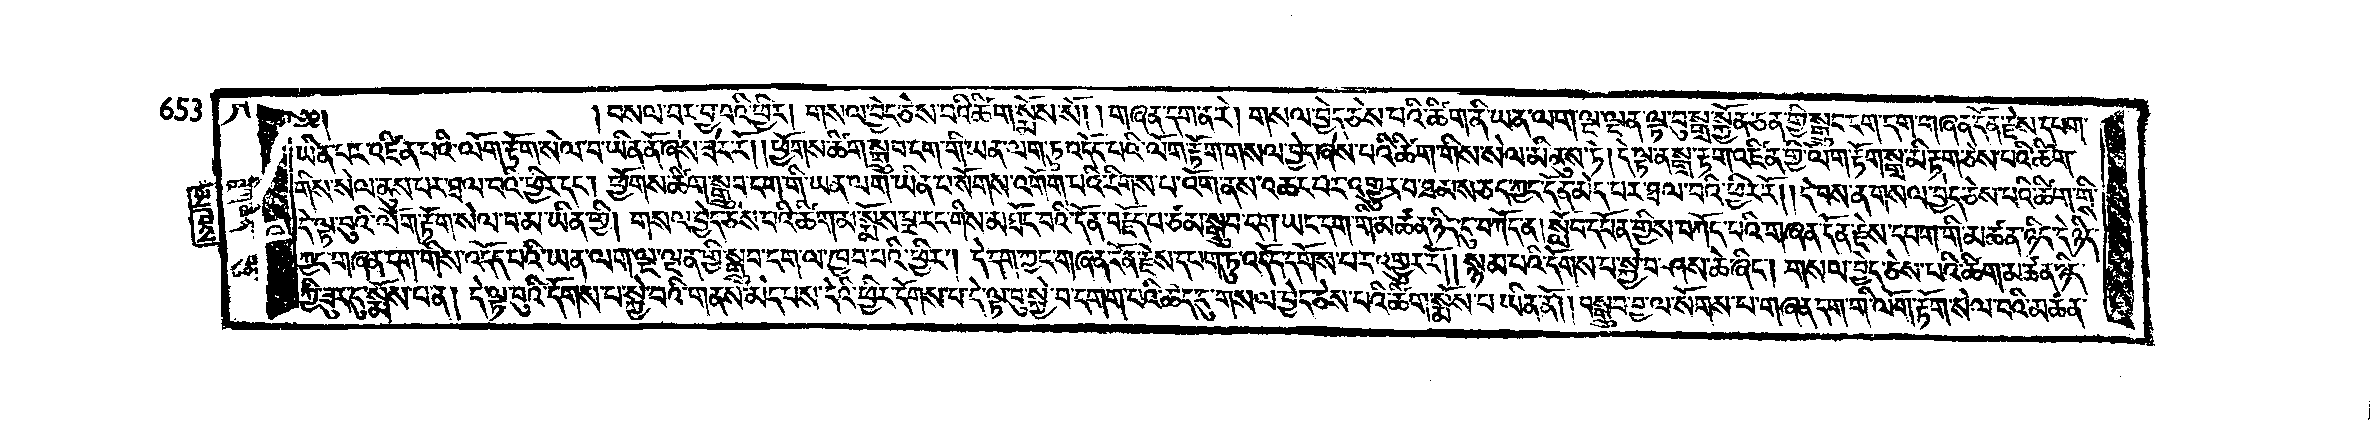༄༅། །བསལ་བར་བྱ་བའི་ཕྱིར། གསལ་བྱེད་ཅེས་པའི་ཚིག་སྨོས་སོ། །གཞན་དག་ན་རེ། གསལ་བྱེད་ཅེས་པའི་ཚིག་ནི་ཡན་ལག་ལྔ་ལྡན་ལྟ་བུ་སྒྲ་སྐྱོན་ཅན་གྱི་སྒྲུབ་ངག་དག་གཞན་དོན་རྗེས་དཔག་
ཡིན་པར་འཛིན་པའི་ལོག་རྟོག་སེལ་བ་ཡིན་ནོ་ཞེས་ཟེར་རོ། །ཕྱོགས་ཚིག་སྒྲུབ་ངག་གི་ཡན་ལག་ཏུ་འདོད་པའི་ལོག་རྟོག་གསལ་བྱེད་ཞེས་པའི་ཚིག་གིས་སེལ་མི་ནུས་ཏེ། དེ་ལྟ་ན་སྒྲ་རྟག་འཛིན་གྱི་ལོག་རྟོག་སྒྲ་མི་རྟག་ཅེས་པའི་ཚིག་
གིས་སེལ་ནུས་པར་ཐལ་བའི་ཕྱིར་དང་། ཕྱོགས་ཚིག་སྒྲུབ་ངག་གི་ཡན་ལག་ཡིན་པ་སོགས་འགོག་པའི་རིགས་པ་འོག་ནས་འཆད་པར་འགྱུར་བ་ཐམས་ཅད་ཀྱང་དོན་མེད་པར་ཐལ་བའི་ཕྱིར་རོ། །དེ་བས་ན་གསལ་བྱེད་ཅེས་པའི་ཚིག་གིས་
དེ་ལྟ་བུའི་ལོག་རྟོག་སེལ་བ་མ་ཡིན་གྱི། གསལ་བྱེད་ཅེས་པའི་ཚིག་མ་སྨོས་པར་རང་གིས་མཐོང་བའི་དོན་བརྗོད་པ་ཙམ་སྒྲུབ་ངག་ཡང་དག་གི་མཚན་ཉིད་དུ་བཀོད་ན། སློབ་དཔོན་གྱིས་བཀོད་པའི་གཞན་དོན་རྗེས་དཔག་གི་མཚན་ཉིད་དེ་ཉིད་
ཀྱང་གཞན་དག་གིས་འདོད་པའི་ཡན་ལག་ལྔ་ལྡན་གྱི་སྒྲུབ་ངག་ལ་ཁྱབ་པའི་ཕྱིར། དེ་དག་ཀྱང་གཞན་དོན་རྗེས་དཔག་ཏུ་འདོད་དགོས་པར་འགྱུར་རོ། །སྙམ་པའི་དོགས་པ་སྐྱེ་བ་ཤས་ཆེ་ཞིང་། གསལ་བྱེད་ཅེས་པའི་ཚིག་མཚན་ཉིད་
ཀྱི་ཟུར་དུ་སྨོས་པ་ན། དེ་ལྟ་བུའི་དོགས་པ་སྐྱེ་བའི་གནས་མེད་པས་དེའི་ཕྱིར་དོགས་པ་དེ་ལྟ་བུ་སྐྱེ་བ་དགག་པའི་ཆད་དུ་གསལ་བྱེད་ཅེས་པའི་ཚིག་སྨོས་པ་ཡིན་ནོ། །བསྒྲུབ་བྱ་ལ་སོགས་པ་གཞན་དག་གི་ལོག་རྟོག་སེལ་བའི་མཚན་